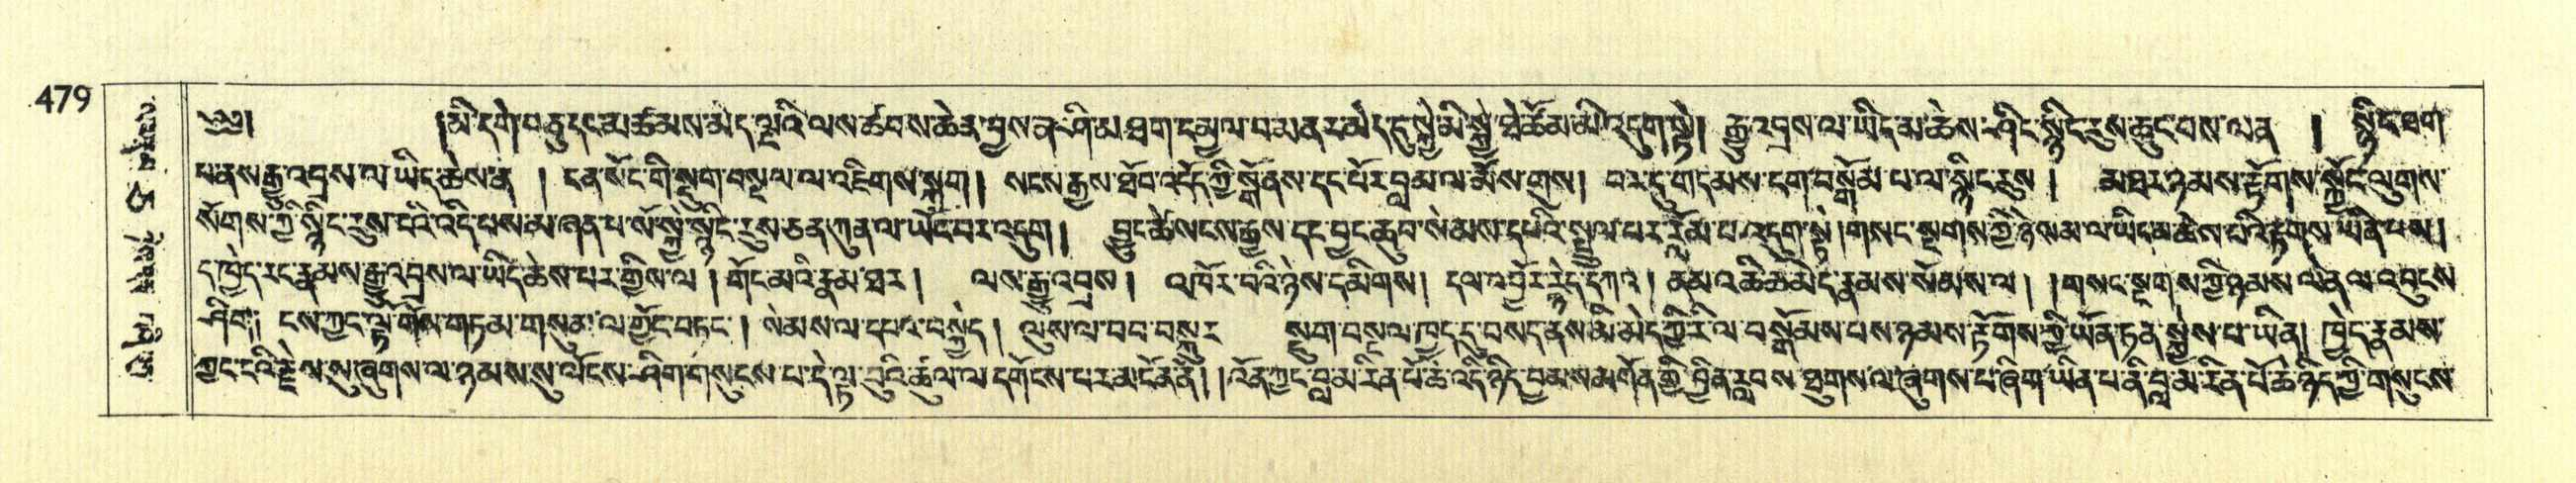༄༅། །མི་དགེ་བཅུ་དང་མཚམས་མེད་ལྔའི་ལས་ཚབས་ཆེན་བྱས་ན་ཤི་མཐག་དམྱལ་བ་མནར་མེད་དུ་སྐྱེ་མི་སྐྱེ་ཐེ་ཚོམ་མི་འདུག་སྟེ། རྒྱུ་འབྲས་ལ་ཡིད་མ་ཆེས་ཤིང་སྙིང་རུས་ཆུང་བས་ལན། སྙིང་ཐག་
པ་ནས་རྒྱུ་འབྲས་ལ་ཡིད་ཆེས་ན། ངན་སོང་གི་སྡུག་བསྔལ་ལ་འཇིགས་སྐྲག། སངས་རྒྱས་ཐོབ་འདོད་ཀྱི་སྒོ་ནས་དང་པོར་བླ་མ་ལ་མོས་གུས། བར་དུ་གདམས་ངག་བསྒོམ་པ་ལ་སྙིང་རུས། མཐར་ཉམས་རྟོགས་སྐྱོང་ལུགས་
སོགས་ཀྱི་སྙིང་རུས་པའི་འདི་པས་མ་ཞན་པ་སོ་སྐྱེ་སྙིང་རུས་ཅན་ཀུན་ལ་ཡོང་བར་འདུག། བྱུང་ཚེ་སངས་རྒྱས་དང་བྱང་ཆུབ་སེམས་དཔའི་སྤྲུལ་པར་རློམ་པ་འདུག་སྟེ། གསང་སྔགས་ཀྱི་ཉེ་ལམ་ལ་ཡིད་མ་ཆེས་པའི་རྟགས་ཡིན་པས།
ད་ཁྱེད་རང་རྣམས་རྒྱུ་འབྲས་ལ་ཡིད་ཆེས་པར་གྱིས་ལ། གོང་མའི་རྣམ་ཐར། ལས་རྒྱུ་འབྲས། འཁོར་བའི་ཉེས་དམིགས། དལ་འབྱོར་རྙེད་དཀའ། ནམ་མཆི་ཆ་མེད་རྣམས་སོགས་ལ། །གསང་སྔགས་ཀྱི་ཉམས་ལེན་ལ་འབུངས་
ཤིག། ངས་ཀྱང་ལྟོ་གོས་གཏམ་གསུམ་ལ་གྱོང་བཏང་། སེམས་ལ་དཔའ་བསྐྱེད། ལུས་ལ་བབ་བསྐུར་སྡུག་བསྔལ་ཁྱད་དུ་བསད་ནས་མི་མེད་ཀྱི་རི་ལ་བསྒོམས་པས་ཉམས་རྟོགས་ཀྱི་ཡོན་ཏན་སྐྱེས་པ་ཡིན། ཁྱེད་རྣམས་
ཀྱང་ངའི་རྗེས་སུ་ཞུགས་ལ་ཉམས་སུ་ལོངས་ཤིག་གསུངས་པ་དེ་ལྟ་བུའི་ཚུལ་ལ་དགོངས་པར་མངོན་ནོ། །འོན་ཀྱང་བླ་མ་རིན་པོ་ཆེ་འདི་ཉིད་བྱམས་མགོན་གྱི་བྱིན་རླབས་ཐུགས་ལ་ཞུགས་པ་ཞིག་ཡིན་པ་ནི་བླ་མ་རིན་པོ་ཆེ་ཉིད་ཀྱི་གསུངས་